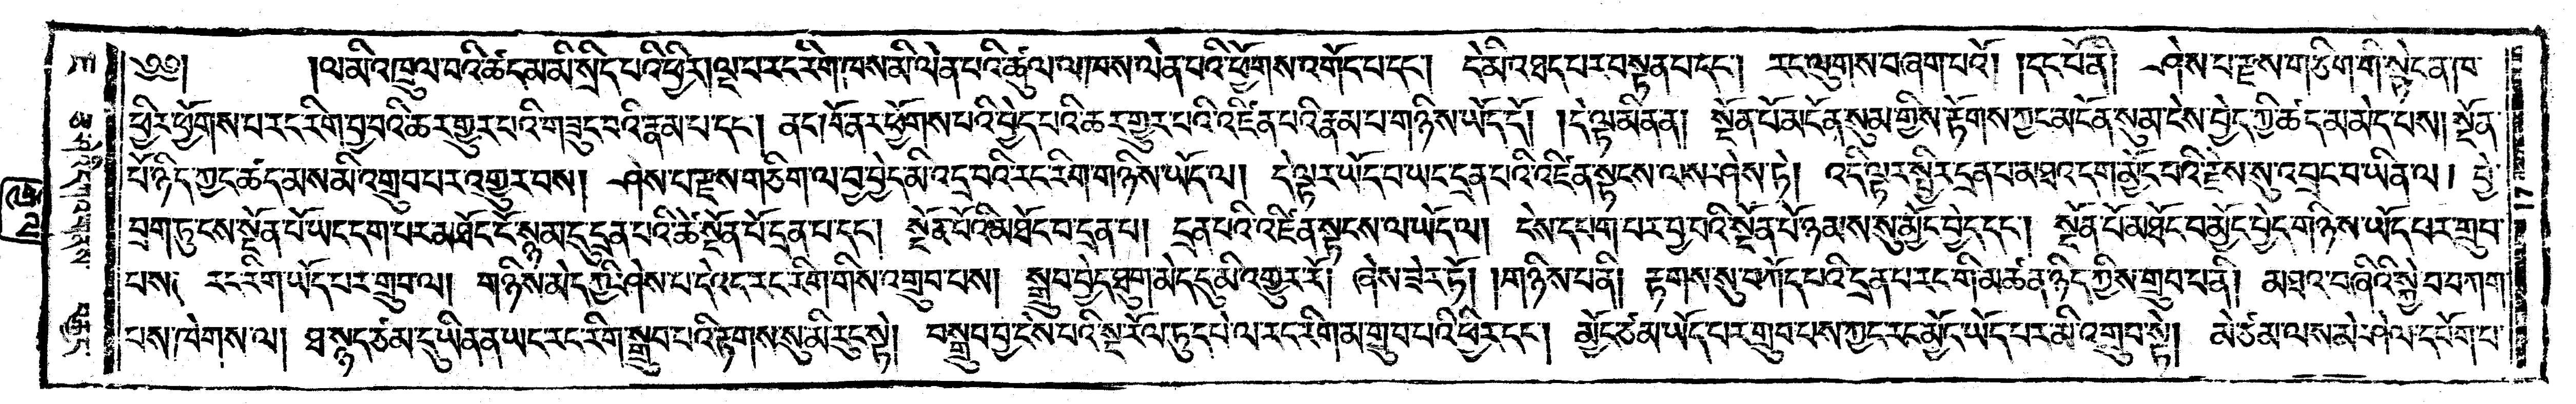༄༅། །ལ་མི་འཁྲུལ་བའི་ཚད་མ་མི་སྲིད་པའི་ཕྱིར། ལྔ་པ་རང་རིག་ཁས་མི་ལེན་པའི་ཚུལ་ལ་ཁས་ལེན་པའི་ཕྱོགས་འགོད་པ་དང་། དེ་མི་འཐད་པར་བསྟན་པ་དང་། རང་ལུགས་བཞག་པའོ། །དང་པོ་ནི། ཤེས་པ་རྫས་གཅིག་གི་སྟེང་ན་ཁ་
ཕྱིར་ཕྱོགས་པ་རང་རིག་བྱ་བའི་ཆར་གྱུར་པའི་གཟུང་བའི་རྣམ་པ་དང་། ནང་ཁོ་ནར་ཕྱོགས་པའི་བྱེད་པའི་ཆར་གྱུར་པའི་འཛིན་པའི་རྣམ་པ་གཉིས་ཡོད་དོ། །དེ་ལྟ་མིན་ན། སྔོན་པོ་མངོན་སུམ་གྱིས་རྟོགས་ཀྱང་མངོན་སུམ་ངེས་བྱེད་ཀྱི་ཚད་མ་མེད་པས། སྔོན་
པོ་ཉིད་ཀྱང་ཚད་མས་མི་འགྲུབ་པར་འགྱུར་བས། ཤེས་པ་རྫས་གཅིག་ལ་བྱ་བྱེད་མི་འདྲ་བའི་རང་རིག་གཉིས་ཡོད་ལ། དེ་ལྟར་ཡོད་པ་ཡང་དྲན་པའི་འཛིན་སྟངས་ལས་ཤེས་ཏེ། འདི་ལྟར་སྤྱིར་དྲན་པ་མཐའ་དག་མྱོང་བའི་རྗེས་སུ་འབྲང་བ་ཡིན་ལ། བྱེ་
བྲག་ཏུ་ངས་སྔོན་པོ་ཡང་དག་པར་མཐོང་ངོ་སྙམ་དུ་དྲན་པའི་ཚེ་སྔོན་པོ་དྲན་པ་དང་། སྔོན་པོའི་མཐོང་བ་དྲན་པ། དྲན་པའི་འཛིན་སྟངས་ལ་ཡོད་ལ། ངེས་དཔག་པར་བྱ་བའི་སྔོན་པོ་ཉམས་སུ་མྱོང་བྱེད་དང་། སྔོན་པོ་མཐོང་བ་མྱོང་བྱེད་གཉིས་ཡོད་པར་གྲུབ་
པས། རང་རིག་ཡོད་པར་གྲུབ་ལ། གཉིས་མེད་ཀྱི་ཤེས་པ་དེའང་རང་རིག་གིས་འགྲུབ་པས། སྒྲུབ་བྱེད་ཐུག་མེད་དུ་མི་འགྱུར་རོ། ཞེས་ཟེར་ཏོ། །གཉིས་པ་ནི། རྟགས་སུ་བཀོད་པའི་དྲན་པ་རང་གི་མཚན་ཉིད་ཀྱིས་གྲུབ་པ་ནི། མཐའ་བཞིའི་སྐྱེ་བ་བཀག་
པས་ཁེགས་ལ། ཐ་སྙད་ཙམ་དུ་ཡིན་ན་ཡང་རང་རིག་སྒྲུབ་པའི་རྟགས་སུ་མི་རུང་སྟེ། བསྒྲུབ་བྱ་ངེས་པའི་སྔ་རོལ་ཏུ་དཔེ་ལ་རང་རིག་མ་གྲུབ་པའི་ཕྱིར་དང་། མྱོང་ཙམ་ཡོད་པར་གྲུབ་པས་ཀྱང་རང་མྱོང་ཡོད་པར་མི་འགྲུབ་སྟེ། མེ་ཙམ་ལས་མེ་ཤེལ་དཔོག་པ་